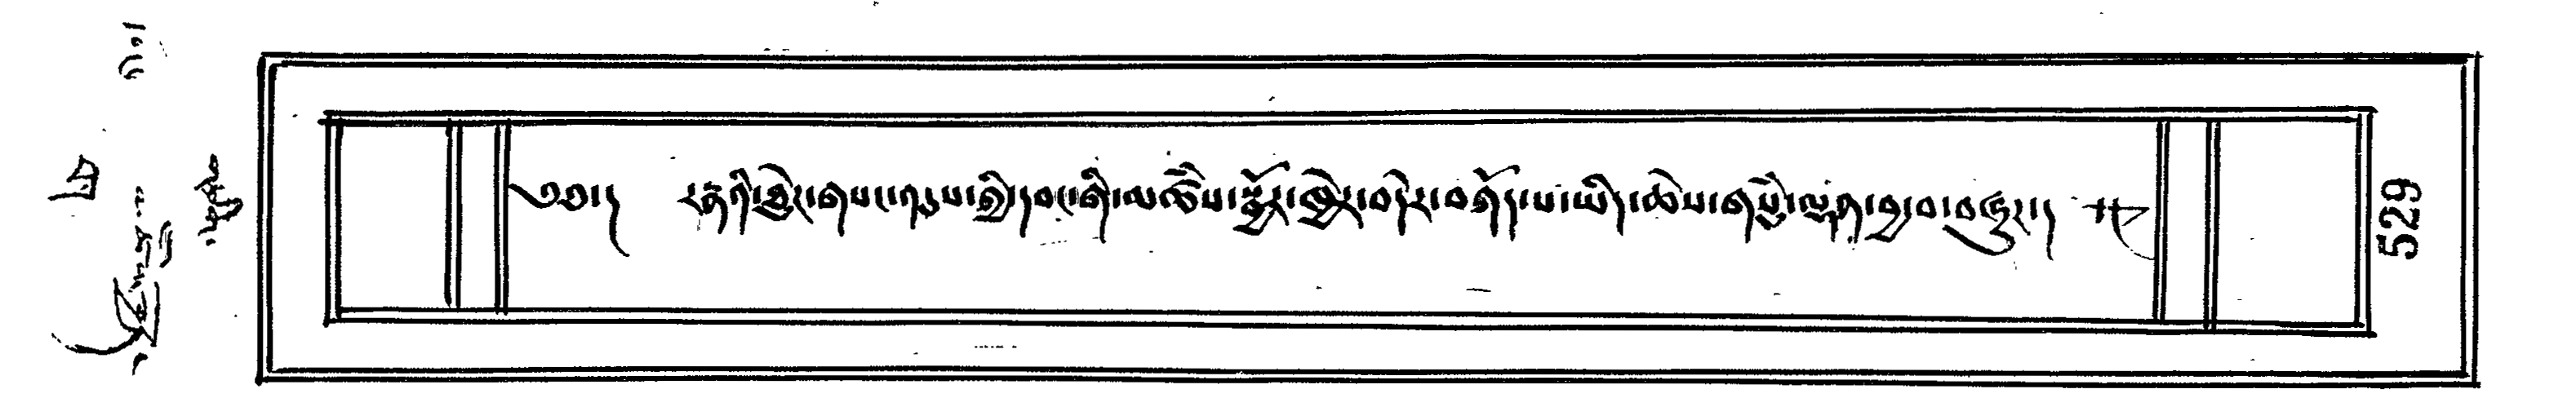༄༅། རཏྣའི་ཐུགས་རྗེ་གསང་འདུས་ཀྱི་དབང་གི་མཚམས་སྦྱོར་ཁྱེར་བདེར་བཀོད་པ་ཡིད་ཆེས་གསུམ་ལྡན་བྱ་བ་ཞུགས།